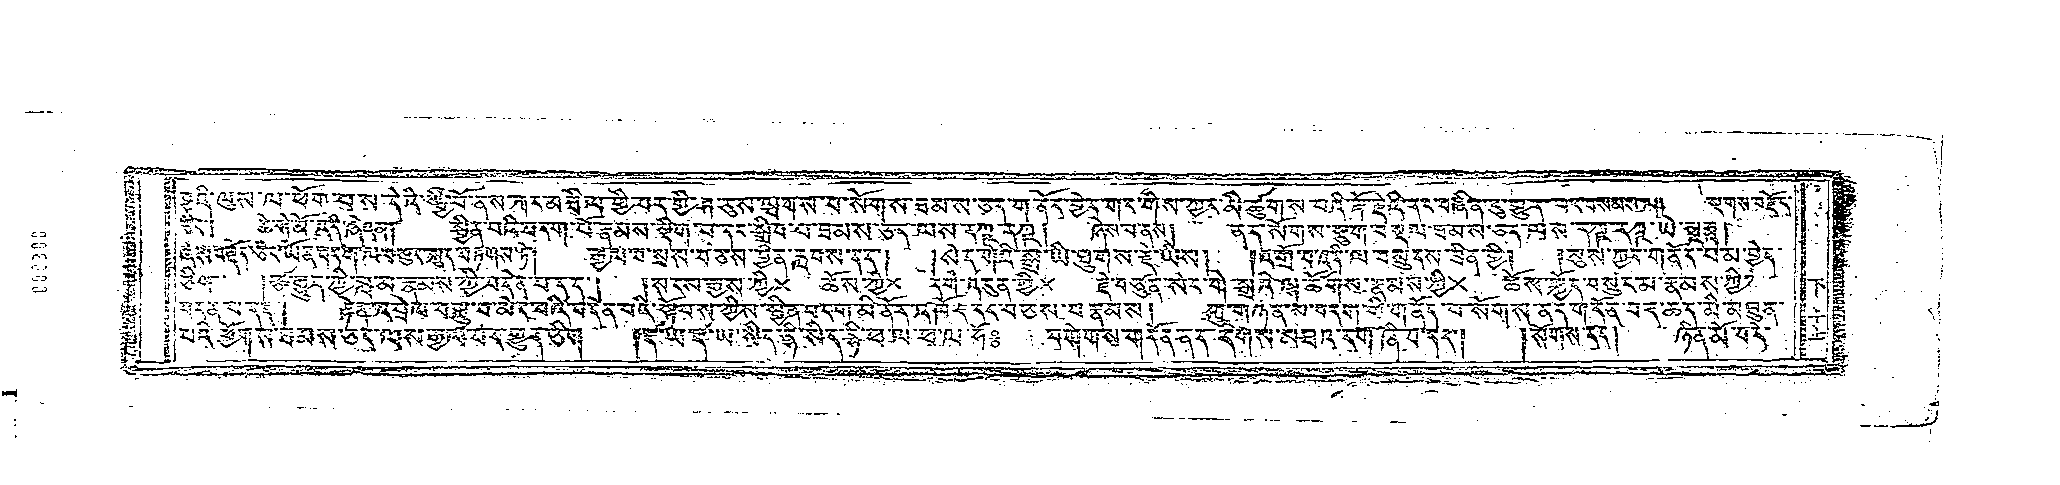བྱའི་ལུས་ལ་ཕོག་པས་དེའི་སྤྱི་བོ་ནས་རྐང་མཐིལ་གྱི་བར་གྱི་ཤ་རུས་ལྤགས་པ་སོགས་ཐམས་ཅད་གནོད་བྱེད་གང་གིས་ཀྱང་མི་ཚུགས་པའི་རྡོ་རྗེའི་རང་བཞིན་དུ་གྱུར་པར་བསམས་ལ། །སྔགས་བརྗོད་
ཅིང་། ཆེ་གེ་མོ་འདི་ཞེའམ། སྤྱིན་པའི་བདག་པོ་རྣམས་སྡིག་པ་དང་སྒྲིབ་པ་ཐམས་ཅད་ལས་རཀྵ་རཀྵ། ཞེས་པ་ནས། ནད་སོགས་སྡུག་བསྔལ་ཐམས་ཅད་ལས་རཀྵ་རཀྵ་ཡེ་སྭཱཧཱ།
ཞེས་བརྗོད་ཅིང་ཡོན་བདག་ལ་བསྲུང་སྐུད་བཏགས་ཏེ། རྒྱལ་བ་སྲས་བཅས་བྱིན་རླབས་དང་། །སེང་གེའི་སྒྲ་ཡི་ཐུགས་རྗེ་ཡིས། །འགྲོ་བ་འདི་ལ་བསྲུངས་ཟིན་གྱི། །སུས་ཀྱང་གནོད་པ་མ་བྱེད་
ཅིག །རྩ་རྒྱུད་ཀྱི་བླ་མ་རྣམས་ཀྱི་བདེན་པ་དང་། །སངས་རྒྱས་ཀྱི་྾་ཆོས་ཀྱི་྾་དགེ་འདུན་གྱི་྾་རྗེ་བཙུན་སེང་གེ་སྒྲའི་ལྷ་ཚོགས་རྣམས་ཀྱི་྾་ཆོས་སྐྱོང་བསྲུང་མ་རྣམས་ཀྱི་
བདེན་པ་དང་། རྟེན་འབྲེལ་བསླུ་བ་མེད་པའི་བདེན་པའི་སྟོབས་ཀྱིས་སྦྱིན་བདག་མི་ནོར་འཁོར་དང་བཅས་པ་རྣམས། ཀླུ་གཉན་ས་བདག་གི་གནོད་པ་སོགས་ནད་གདོན་བར་ཆད་མི་མཐུན་
པའི་ཕྱོགས་ཐམས་ཅད་ལས་རྒྱལ་བར་གྱུར་ཅིག །ཛ་ཡ་ཛ་ཡ་སིད་དྷི་སིད་དྷི་ཕ་ལ་ཕ་ལ་ཧོཿ་བགེགས་གདོན་ནད་རིགས་མཐའ་དག་ཞི་བ་དང་། །སོགས་དང་། ཉིན་མོ་བདེ་